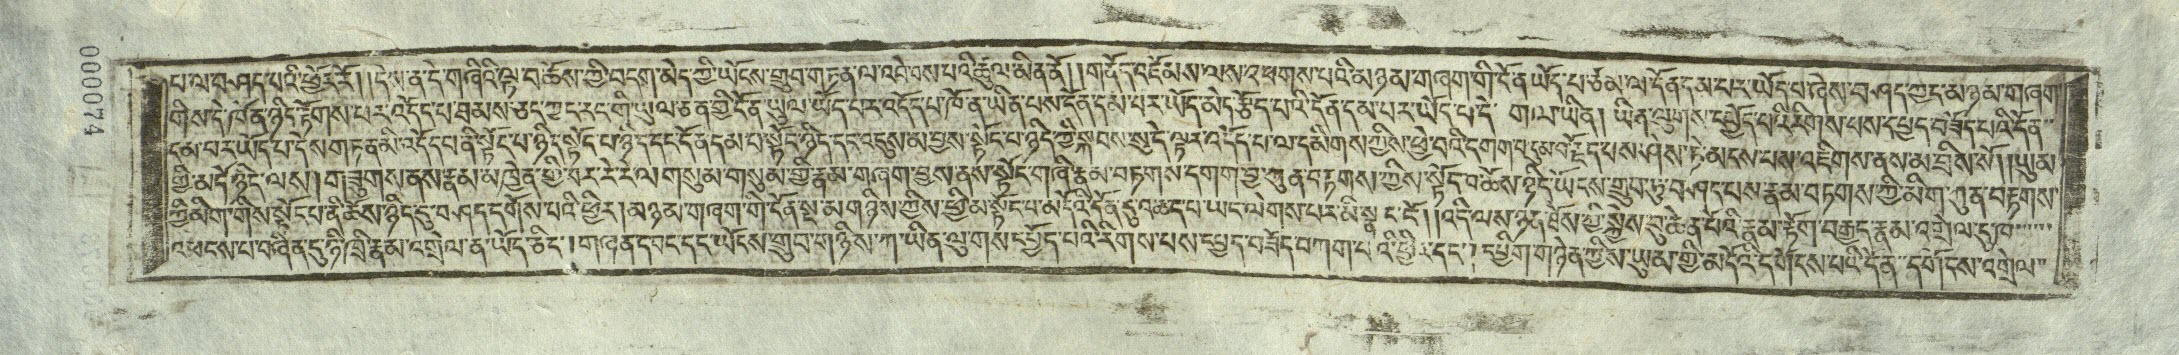པ་ལ་བཤད་པའི་ཕྱིར་རོ། །དེས་ན་དེ་གཞིའི་ལྟ་བ་ཆོས་ཀྱི་བདག་མེད་ཀྱི་ཡོངས་གྲུབ་གཏན་ལ་འབེབས་པའི་ཚུལ་མིན་ནོ། །གནོད་འཇོམས་ལས་འཕགས་པའི་མཉམ་གཞག་གི་དོ་ན་ཡོད་པ་ཙམ་ལ་དོན་དམ་པར་ཡོད་པ་ཞེས་བཤད་ཀྱང་མཉམ་གཞག་
གིས་དེ་ཁོ་ན་ཉིད་རྟོགས་པར་འདོད་པ་ཐམས་ཅད་ཀྱང་རང་གི་ཡུལ་ཅན་གྱི་དོན་ཡུལ་ཡོད་པར་འདོད་པ་ཁོ་ན་ཡིན་པས་དོན་དམ་པར་ཡོད་མེད་རྩོད་པའི་དོན་དམ་པར་ཡོད་པ་དེ་ག་ལ་ཡིན། ཡིན་ལུགས་དཔྱོད་པའི་རིགས་པས་དཔྱད་བཟོད་པའི་དོན་
དམ་པར་ཡོད་པ་དེས་གཏན་མི་འདོད་པ་ནི་སྟོང་པ་ཉིད་སྟོང་པ་ཉིད་དང་དོན་དམ་པ་སྟོང་ཉིད་དང་འདུས་མ་བྱས་སྟོང་པ་ཉིད་ཀྱི་སྐབས་སུ་དེ་ལྟར་འདོད་པ་ལ་དམིགས་ཀྱིས་ཕྱེ་བའི་དགག་བདུམ་བརྗོད་པས་ཤེས་ཏེ་མངས་པས་འཇིགས་ནས་མ་བྲིས་སོ། །ཡུམ་
གྱི་མདེ་ཉིད་ལས། གཟུགས་ནས་རྣམ་མཁྱེན་གྱི་བར་རེ་རེ་ལ་གསུམ་གསུམ་གྱི་རྣམ་གཞག་བྱས་ནས་སྟོང་གཞི་རྣམ་བཏགས་དགག་བྱ་ཀུན་བརྟགས་ཀྱིས་སྟོང་བ་ཆོས་ཉིད་ཡོངས་གྲུབ་ཏུ་བཤད་པས་རྣམ་བཏགས་ཀྱི་མིག་ཀུན་བརྟགས་
ཀྱི་མིག་གིས་སྟོང་བ་ནི་ཆོས་ཉིད་དུ་བཤད་དགོས་པའི་ཕྱིར། མཉམ་གཞག་གི་དོན་སྔ་མ་གཉིས་ཀྱིས་ཕྱི་མ་སྟོང་བ་མདོའི་དོན་དུ་འཆད་པ་ཡང་ལེགས་པར་མི་སྣང་ངོ། །འདི་ལས་ཉན་ཐོས་ཀྱི་སྐྱེས་བུ་ཆེན་པོའི་རྣམ་རྟོག་བརྒྱད་རྣམ་འགྲེལ་དུ་ཁ་
འཕངས་པ་བཞིན་དུ་ཉི་ཁྲི་རྣམ་འགྲེལ་ན་ཡོད་ཅིང་། གཞན་དབང་དང་ཡོངས་གྲུབ་གཉིས་ཀ་ཡིན་ལུགས་དཔྱོད་པའི་རིགས་པས་དཔྱད་བཟོད་བཀག་པའི་ཕྱིར་དང་། དབྱིག་གཉེན་གྱིས་ཡུམ་གྱི་མདོའི་དགོངས་པའི་དོན་དགོངས་འགྲེལ་